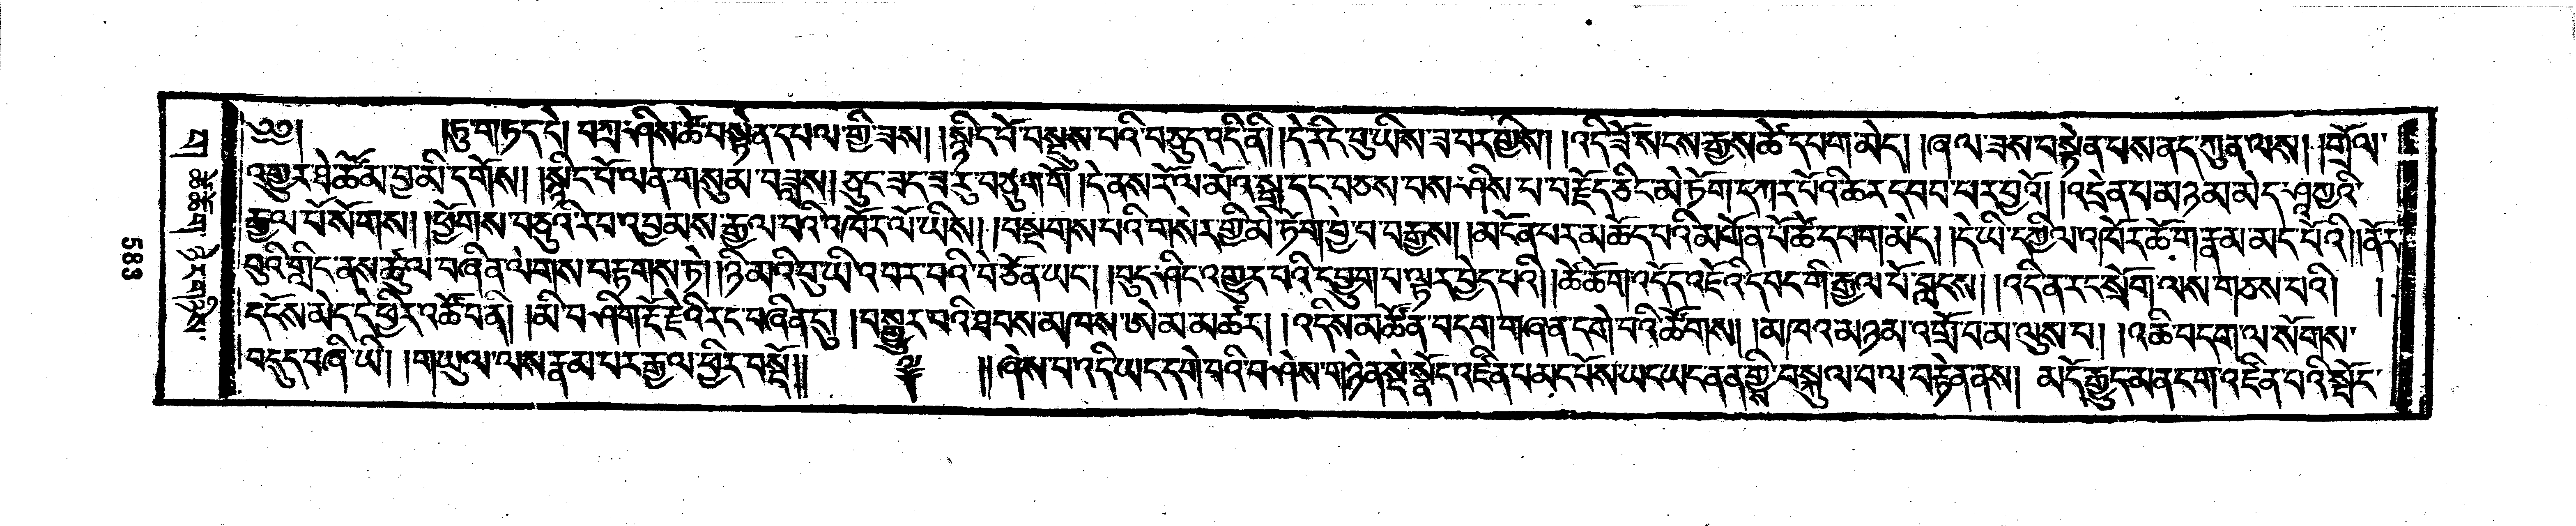༄༅། །ཏུ་གཏད་དེ། བཀྲ་ཤིས་ཚེ་བསྟེན་དཔལ་གྱི་ཟས། །སྙིང་པོ་བསྡུས་པའི་བཅུད་འདི་ནི། །དེ་རིང་བུ་ཡིས་ཟ་བར་གྱིས། །འདི་ཟོ་སངས་རྒྱས་ཚེ་དཔག་མེད། །ཞལ་ཟས་བསྟེན་པས་ནད་ཀུན་ལས། །གྲོལ་
འགྱུར་ཐེ་ཚོམ་བྱ་མི་དགོས། །སྙིང་པོ་ལན་གསུམ་བཟླས། ཅུང་ཟད་ཟ་རུ་བཅུག་གོ །དེ་ནས་རོལ་མོའི་སྒྲ་དང་བཅས་པས་ཤིས་པ་བརྗོད་ཅིང་མེ་ཏོག་དཀར་པོའི་ཆར་དབབ་པར་བྱའོ། །འདྲེན་པ་མཉམ་མེད་ཤཱཀྱའི་
རྒྱལ་པོ་སོགས། །ཕྱོགས་བཅུའི་རབ་འབྱམས་རྒྱལ་བའི་འཁོར་ལོ་ཡིས། །བསྔགས་པའི་གསེར་གྱི་མེ་ཏོག་བྱེ་བ་བརྒྱས། །མངོན་པར་མཆོད་པའི་མགོན་པོ་ཚེ་དཔག་མེད། །དེ་ཡི་དཀྱིལ་འཁོར་ཆོག་རྣམ་མང་པོའི། །ནོར་
བུའི་གླིང་ནས་ཚུལ་བཞིན་ལེགས་བརྟགས་ཏེ། །ཉི་མའི་བུ་ཡི་འབར་བའི་བེ་ཅོན་ཡང་། །བུད་ཤིང་འགྱུར་བའི་དབྱུག་པ་ལྟར་བྱེད་པའི། །ཚེ་ཆོག་འདོད་འཇོའི་དབང་གི་རྒྱལ་པོ་བླངས། །འདི་ན་རང་སྲོག་ལས་གཅེས་པའི།
དངོས་མེད་དེ་ཕྱིར་འཚོ་བ་ནི། །མི་བཤིག་རྡོ་རྗེའི་རང་བཞིན་དུ། །བསྒྱུར་བའི་ཐབས་མཁས་ཨེ་མ་མཚར། །འདིས་མཚོན་བདག་གཞན་དགེ་བའི་ཚོགས། །མཁའ་མཉམ་འགྲོ་བ་མ་ལུས་པ། །འཆི་བདག་ལ་སོགས་
བདུད་བཞི་ཡི། །གཡུལ་ལས་རྣམ་པར་རྒྱལ་ཕྱིར་བསྔོ།། ༈ །།ཞེས་པ་འདི་ཡང་དགེ་བའི་བཤེས་གཉེན་སྡེ་སྣོད་འཛིན་པ་མང་པོས་ཡང་ཡང་ནན་གྱིས་བསྐུལ་བ་ལ་བརྟེན་ནས། མདོ་རྒྱུད་མན་ངག་འཛིན་པའི་སྤོང་